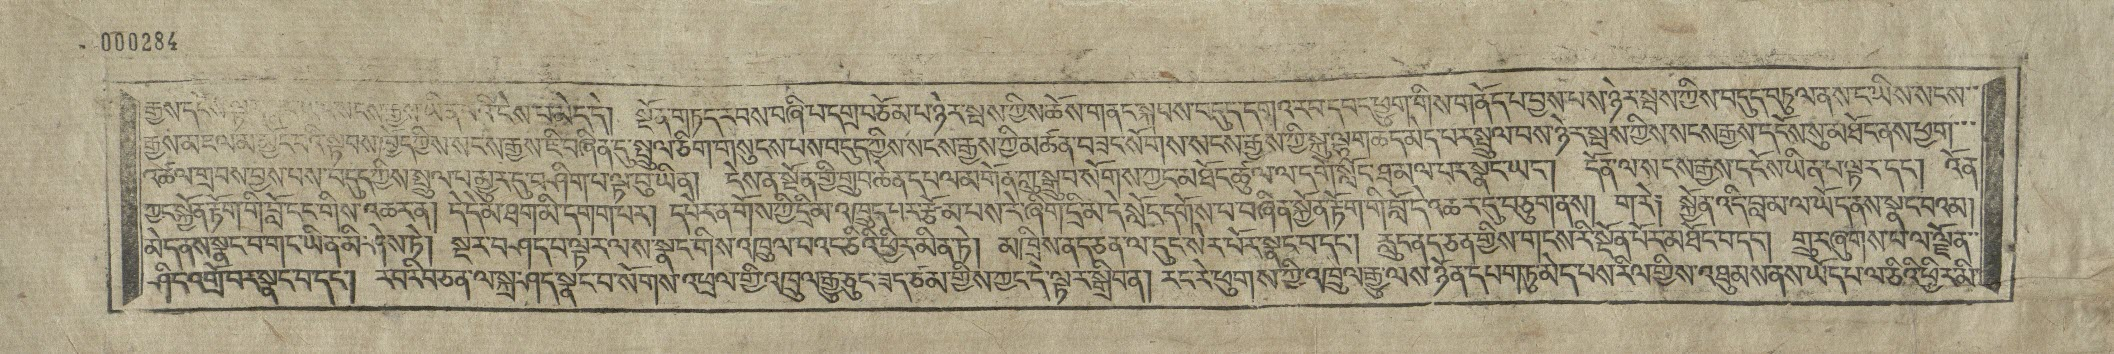རྒྱས་དངོས་ལྟར་སྣང་ཡང་སངས་རྒྱས་ཡིན་པའི་ངེས་པ་མེད་དེ། སྔོན་གཏད་རབས་བཞི་པ་དགྲ་བཅོམ་པ་ཉེར་སྦས་ཀྱིས་ཆོས་གནང་སྐབས་བདུད་དགའ་རབ་དབང་ཕྱུག་གིས་གནོད་པ་བྱས་པས་ཉེར་སྦས་ཀྱིས་བདུད་བཏུལ་ནས་ང་ཡིས་སངས་
རྒྱས་མཇལ་མ་མྱོང་བའི་སྟབས་ཁྱོད་ཀྱིས་སངས་རྒྱས་ཇི་བཞིན་དུ་སྤྲུལ་ཅིག་གསུངས་པས་བདུད་ཀྱིས་སངས་རྒྱས་ཀྱི་མཚན་བཟང་སོགས་སངས་རྒྱས་ཀྱི་སྐུ་ལྷག་ཆད་མེད་པར་སྤྲུལ་བས་ཉེར་སྦས་ཀྱིས་སངས་རྒྱས་དངོས་སུ་མཐོང་ནས་ཕྱག་
འཚལ་གྲབས་བྱས་པས་བདུད་ཀྱིས་སྤྲུལ་པ་མྱུར་དུ་བཤིག་པ་ལྟ་བུ་ཡིན། དེས་ན་སྔོན་གྱི་གྲུབ་ཆེན་དཔལ་མགོན་ཀླུ་སྒྲུབ་སོགས་ཀྱང་མཐོང་ཚུལ་ལ་དགེ་སློང་ཐ་མལ་པར་སྣང་ཡང་། དོན་ལ་སངས་རྒྱས་དངོས་ཡིན་པ་ལྟར་དང་། འོན་
ཀྱང་སྐྱོན་རྟོག་གི་བློ་ངང་གིས་འཆར་ན། དེ་དེ་མ་ཐག་མི་དགག་པར། དཔེར་ན་གོས་ཀྱི་དྲི་མ་འཁྲུད་པར་རྩོམ་པས་རེ་ཞིག་དྲི་མ་དེ་སློང་དགོས་པ་བཞིན་སྐྱོན་རྟོག་གི་བློ་དེ་འཆར་དུ་བཅུག་ནས། ག་རེ༑ སྐྱོན་འདི་བླ་མ་ལ་ཡོད་ནས་སྣང་བའམ།
མེད་ནས་སྣང་བ་གང་ཡིན་མི་ཤེས་ཏེ། སྔར་བཤད་པ་ལྟར་ལས་སྣང་གིས་འཁྲུལ་པའང་ཅིའི་ཕྱིར་མིན་ཏེ། མཁྲིས་ནད་ཅན་ལ་དུང་སེར་པོར་སྣང་བ་དང་། རླུང་ནད་ཅན་གྱིས་གངས་རི་སྔོན་པོར་མཐོང་བ་དང་། གྲུར་ཞུགས་པ་ལ་ལྗོན་
ཤིང་འགྲོ་བར་སྣང་བ་དང་། རབ་རིབ་ཅན་ལ་སྐྲ་ཤད་སྣང་བ་སོགས་འཕྲལ་གྱི་འཁྲུལ་རྒྱུ་ཅུང་ཟད་ཙམ་གྱིས་ཀྱང་དེ་ལྟར་སྒྲིབ་ན། རང་རེ་ཕུགས་ཀྱི་འཁྲུལ་རྒྱུ་ལས་ཉོན་དཔག་ཏུ་མེད་པས་རིལ་གྱིས་འཐུམས་ནས་ཡོད་པ་ལ་ཅིའི་ཕྱིར་མི་